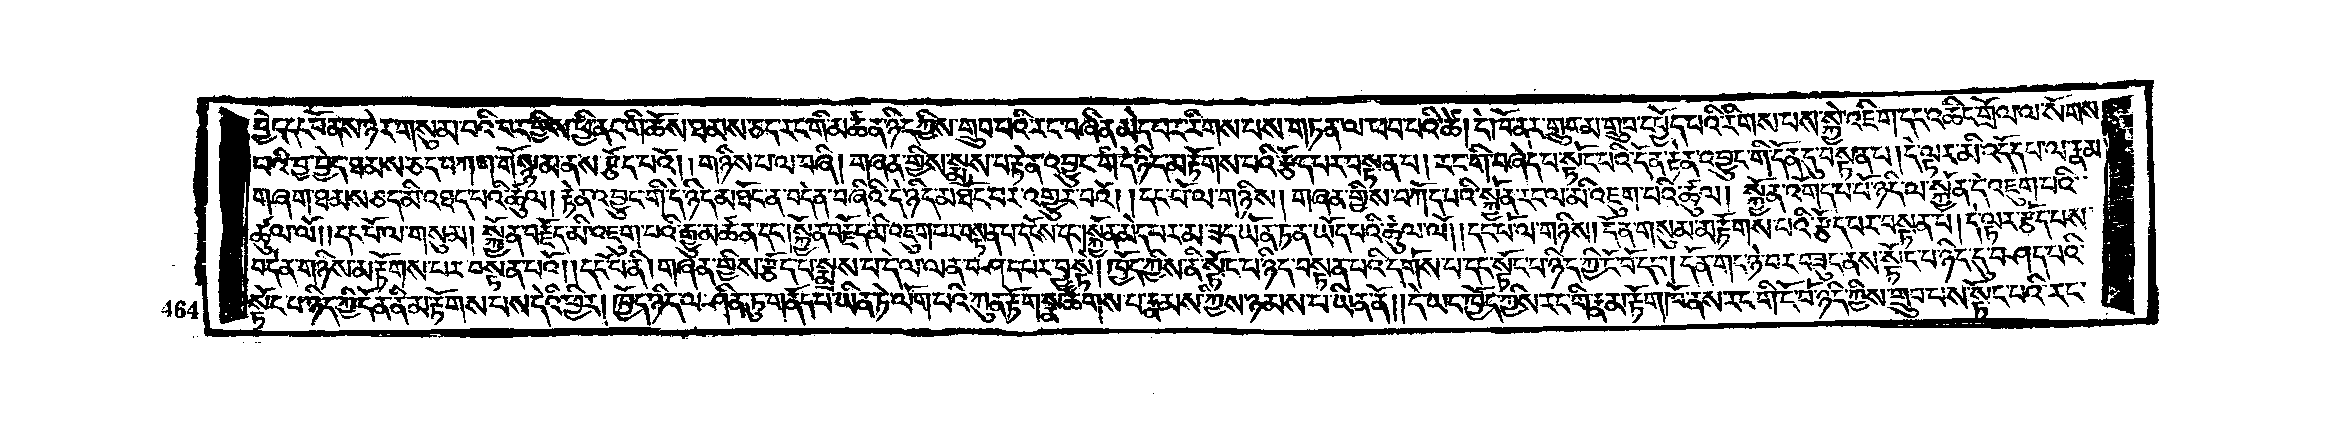བྱེད་དང་པོ་ནས་ཉེར་གསུམ་པའི་བར་གྱིས་ཕྱི་ནང་གི་ཆོས་ཐམས་ཅད་རང་གི་མཚན་ཉིད་ཀྱིས་གྲུབ་པའི་རང་བཞིན་མེད་པར་རིགས་པས་གཏན་ལ་ཕབ་པའི་ཚེ། དེ་ཁོ་ནར་གྲུབ་མ་གྲུབ་དཔྱོད་པའི་རིགས་པས་སྐྱེ་འཇིག་དང་འཆིང་གྲོལ་ལ་སོགས་
པའི་བྱ་བྱེད་ཐམས་ཅད་བཀག་གོ་སྙམ་ནས་རྩོད་པའོ། །གཉིས་པ་ལ་བཞི། གཞན་གྱིས་སྨྲས་པ་རྟེན་འབྱུང་གི་དེ་ཉིད་མ་རྟོགས་པའི་རྩོད་པར་བསྟན་པ། རང་གི་བཞེད་པ་སྟོང་བའི་དོན་རྟེན་འབྱུང་གི་དོན་དུ་བསྟན་པ། དེ་ལྟར་མི་འདོད་པ་ལ་རྣམ་
གཞག་ཐམས་ཅད་མི་འཐད་པའི་ཚུལ། རྟེན་འབྱུང་གི་དེ་ཉིད་མཐོང་ན་བདེན་བཞིའི་དེ་ཉིད་མཐོང་བར་འགྱུར་བའོ། །དང་པོ་ལ་གཉིས། གཞན་གྱིས་བཀོད་པའི་སྐྱོན་རང་ལ་མི་འཇུག་པའི་ཚུལ། སྐྱོན་འགོད་པ་པོ་ཉིད་ལ་སྐྱོན་དེ་འཇུག་པའི་
ཚུལ་ལོ། །དང་པོ་ལ་གསུམ། སྐྱོན་བརྗོད་མི་འཇུག་པའི་རྒྱུ་མཚན་དང་། སྐྱོན་བརྗོད་མི་འཇུག་པར་བསྟན་པ་དངོས་དང་། སྐྱོན་མེད་པར་མ་ཟད་ཡོན་ཏན་ཡོད་པའི་ཚུལ་ལོ། །དང་པོ་ལ་གཉིས། དོན་གསུམ་མ་རྟོགས་པའི་རྩོད་པར་བསྟན་པ། དེ་ལྟར་རྩོད་པས་
བདེན་གཉིས་མ་རྟོགས་པར་བསྟན་པའོ། །དང་པོ་ནི། གཞན་གྱིས་རྩོད་པ་སྨྲས་པ་དེ་ལ་ལན་བཤད་པར་བྱ་སྟེ། ཁྱོད་ཀྱིས་ནི་སྟོང་པ་ཉིད་བསྟན་པའི་དགོས་པ་དང་སྟོང་པ་ཉིད་ཀྱི་ངོ་བོ་དང་། དོན་གང་ཉེ་བར་བཟུང་ནས་སྟོང་པ་ཉིད་དུ་བཤད་པའི་
སྟོང་པ་ཉིད་ཀྱི་དོན་ནི་མ་རྟོགས་པས་དེའི་ཕྱིར། ཁྱོད་ཉིད་ལ་ཤིན་ཏུ་གནོད་པ་ཡིན་ཏེ་ལོག་པའི་ཀུན་རྟོག་སྣ་ཚིགས་པ་རྣམས་ཀྱིས་ཉམས་པ་ཡིན་ནོ། །དེ་ཡང་ཁྱོད་ཀྱིས་རང་གི་རྣམ་རྟོག་ཁོ་ནས་རང་གི་ངོ་བོ་ཉིད་ཀྱིས་གྲུབ་པས་སྟོང་པའི་རང་